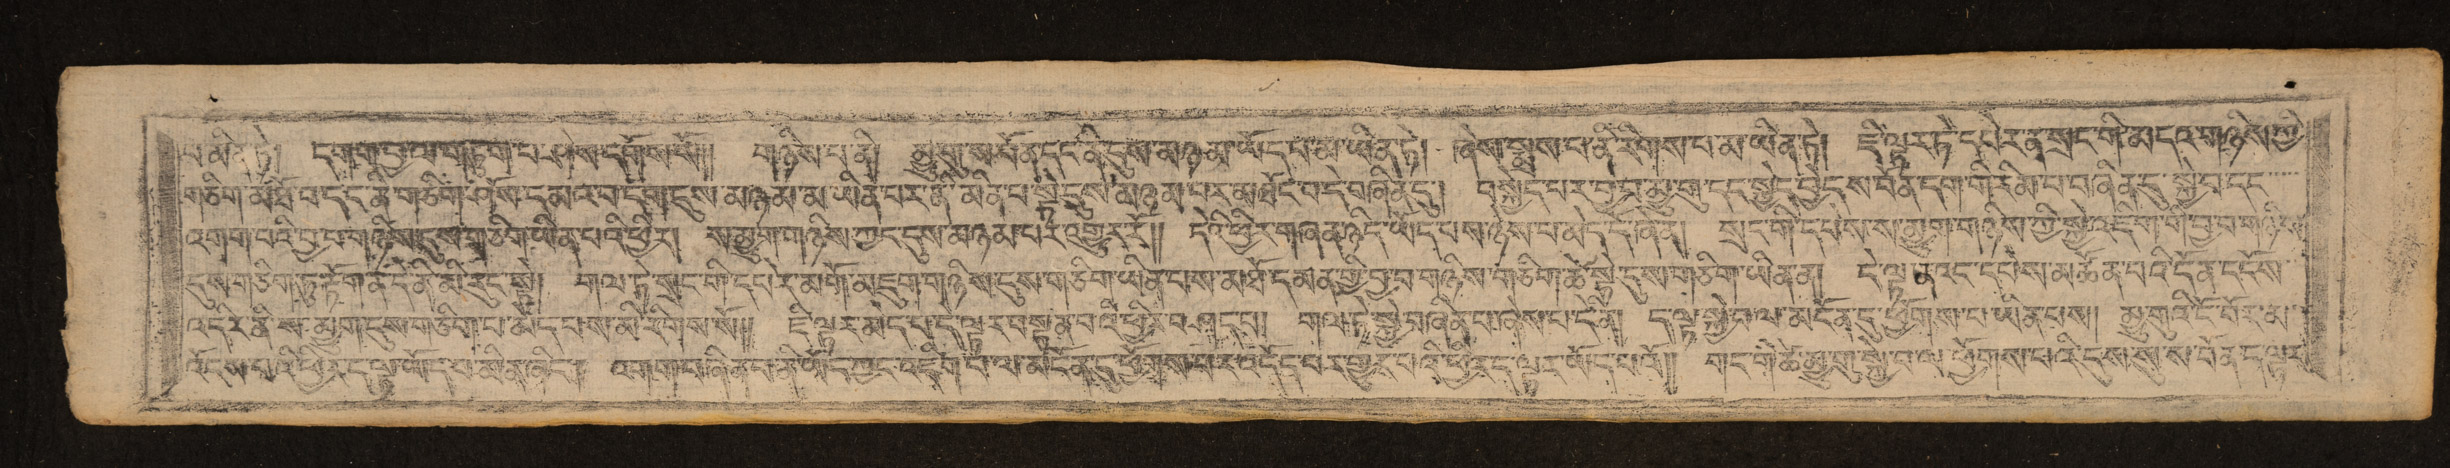པ་མིན་ཏེ། དགག་བྱ་ལ་གཏུག་པ་ཤེས་དགོས་སོ།། གཉིས་པ་ནི། མྱུ་གུ་ས་བོན་དང་ནི་དུས་མཉམ་ཡོད་པ་མ་ཡིན་ཏེ། ཞེས་སྨྲས་པ་ནི་རིགས་པ་མ་ཡིན་ཏེ། ཇི་ལྟར་ཏེ་དཔེར་ན་སྲང་གི་མདའ་གཉིས་ཀྱི་
གཅིག་མཐོ་བ་དང་ནི་གཅིག་ཤོས་དམའ་བ་དག་དུས་མཉམ་མ་ཡིན་པར་ནི་མིན་པ་སྟེ་དུས་མཉམ་པར་མཐོང་བ་དེ་བཞིན་དུ། བསྐྱེད་པར་བྱ་བ་མྱུ་གུ་དང་སྐྱེད་བྱེད་ས་བོན་དག་གི་རིམ་པ་བཞིན་དུ་སྐྱེ་བ་དང་
འགག་པའི་བྱ་བ་གཉིས་དུས་གཅིག་ཡིན་པའི་ཕྱིར། ས་མྱུག་གཉིས་ཀྱང་དུས་མཉམ་པར་འགྱུར་རོ།། དེའི་ཕྱིར་གཞན་ཉིད་ཡོད་པས་ཉེས་པ་མེད་དོ་ཞེ་ན། སྲང་གི་དཔེས་ས་མྱུག་གཉིས་ཀྱི་སྐྱེ་འཇིག་གི་བྱ་བ་གཉིས་
དུས་གཅིག་ཏུ་རྟོག་ན་དེ་ནི་མི་རུང་སྟེ། གལ་ཏེ་སྲང་གི་དཔེར་མགོ་མཇུག་གཉིས་དུས་གཅིག་ཡིན་པས་མཐོ་དམན་གྱི་བྱ་བ་གཉིས་གཅིག་ཆེ་སྟེ་དུས་གཅིག་ཡིན་ན། དེ་ལྟ་ནའང་དཔེས་མཚོན་པའི་དོན་དངོས་
འདིར་ནི་ས་མྱུག་དུས་གཅིག་པ་མེད་པས་མི་རིགས་སོ།། ཇི་ལྟར་མེད་པ་དེ་ལྟར་བསྟན་པའི་ཕྱིར་བཤད་པ། གལ་ཏེ་སྐྱེ་བཞིན་པ་ཞེས་པ་དེ་ནི། ད་ལྟ་སྐྱེ་བ་ལ་མངོན་དུ་ཕྱོགས་པ་ཡིན་པས། མྱུ་གུའི་ངོ་བོར་མ་
འོངས་པའི་ཕྱིར་ད་ལྟ་ཡོད་པ་མིན་ཞིང་། འགག་བཞིན་པ་ནི་ཡོད་ཀྱང་འཇིག་པ་ལ་མངོན་དུ་ཕྱོགས་པར་འདོད་པར་གྱུར་པའི་ཕྱིར་ད་ལྟར་ཡོད་པའོ།། གང་གི་ཚེ་མྱུ་གུ་སྐྱེ་བ་ལ་ཕྱོགས་པའི་དུས་སུ་ས་བོན་ད་ལྟར་